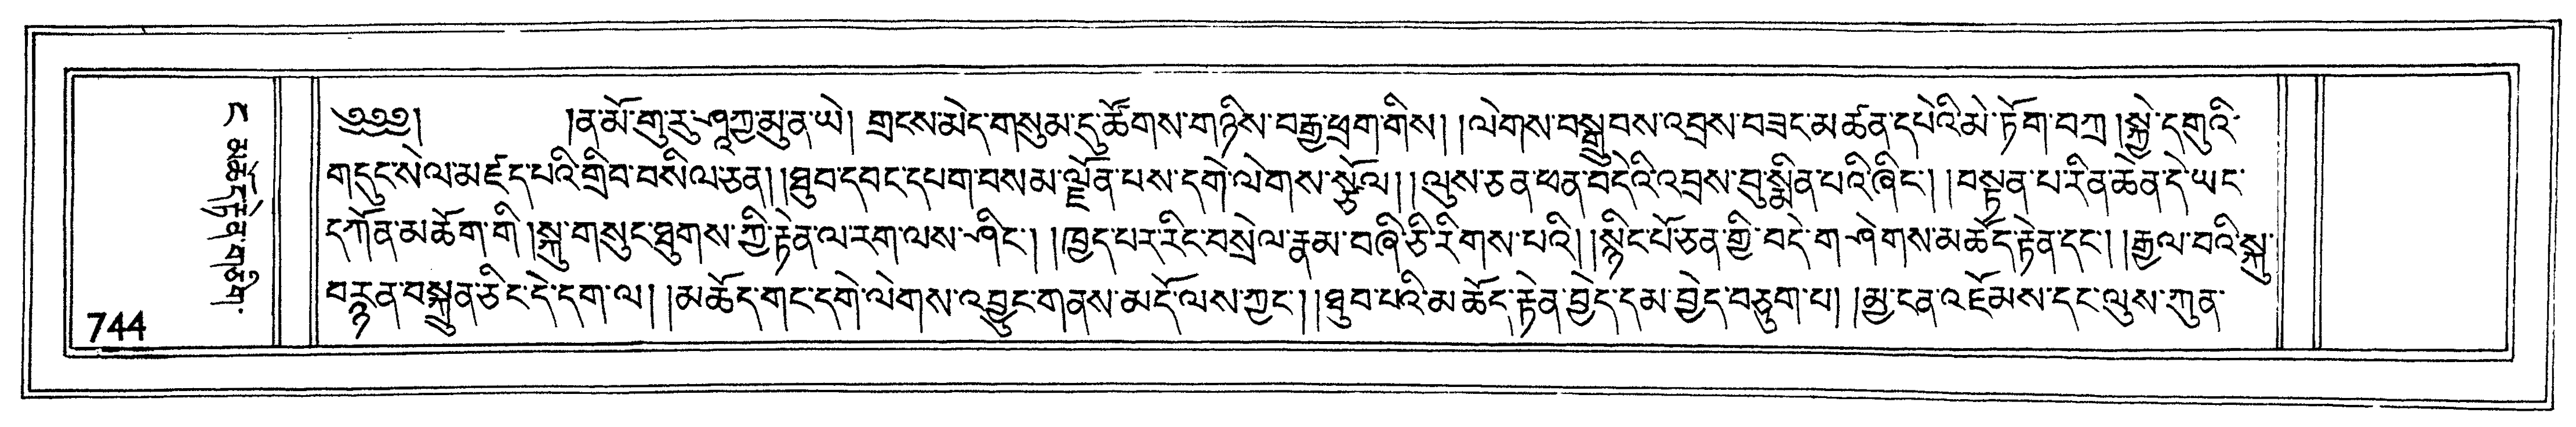༄༅༅། །ན་མོ་གུ་རུ་ཤཱཀྱ་མུ་ན་ཡེ། གྲངས་མེད་གསུམ་དུ་ཚོགས་གཉིས་བརྒྱ་ཕྲག་གིས། །ལེགས་བསྒྲུབས་འབྲས་བཟང་མཚན་དཔེའི་མེ་ཏོག་བཀྲ། སྐྱེ་དགུའི་
གདུང་སེལ་མཛད་པའི་གྲིབ་བསིལ་ཅན། །ཐུབ་དབང་དཔག་བསམ་ལྗོན་པས་དགེ་ལེགས་སྩོལ། །ལུས་ཅན་ཕན་བདེའི་འབྲས་བུ་སྨིན་པའི་ཞིང་། །བསྟན་པ་རིན་ཆེན་དེ་ཡང་
དཀོན་མཆོག་གི །སྐུ་གསུང་ཐུགས་ཀྱི་རྟེན་ལ་རག་ལས་ཤིང་། །ཁྱད་པར་རིང་བསྲེལ་རྣམ་བཞི་ཅི་རིགས་པའི། །སྙིང་པོ་ཅན་གྱི་བདེ་གཤེགས་མཆོད་རྟེན་དང་། །རྒྱལ་བའི་སྐུ་
བརྙན་བསྐྲུན་ཅིང་དེ་དག་ལ། །མཆོད་གང་དགེ་ལེགས་འབྱུང་གནས་མདོ་ལས་ཀྱང་། །ཐུབ་པའི་མཆོད་རྟེན་བྱེད་དམ་བྱེད་བཅུག་པ། །མྱ་ངན་འཇོམས་དང་ལུས་ཀུན་